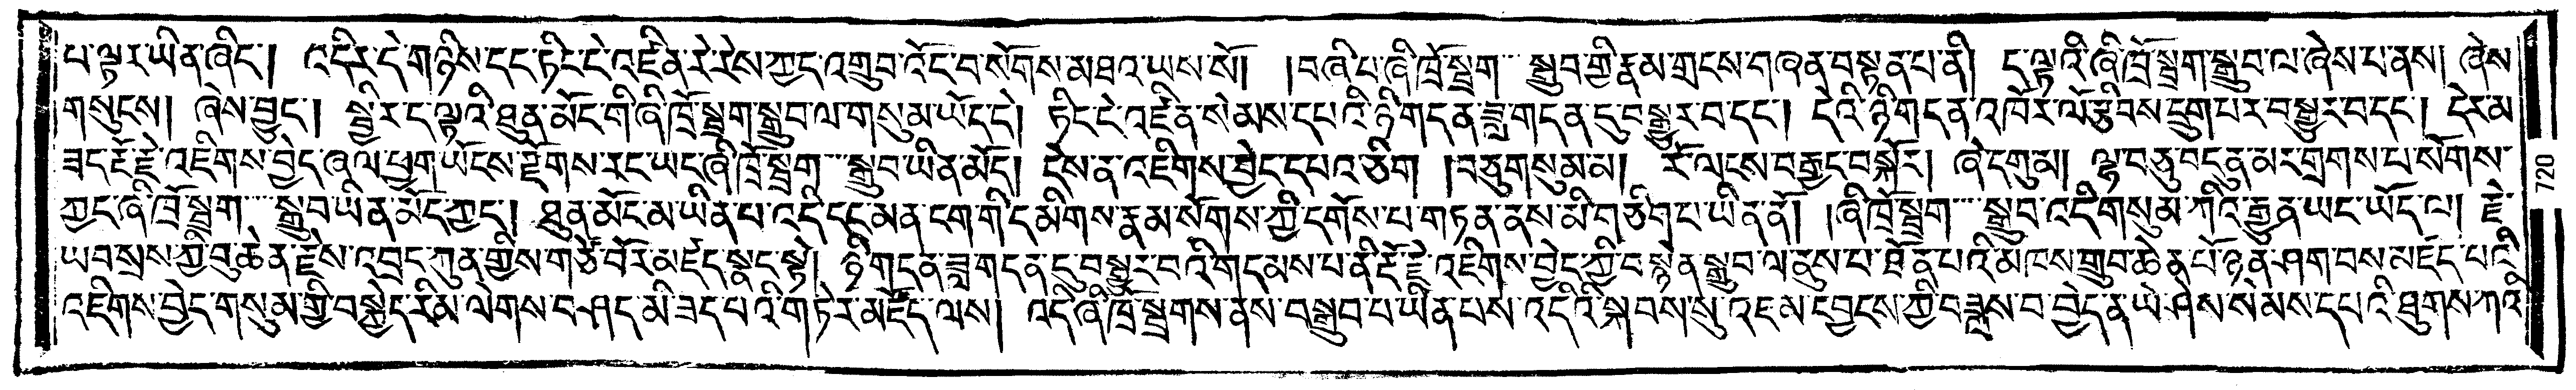པ་ལྟར་ཡིན་ཞིང་། འདིར་དེ་གཉིས་དང་ཏིང་ངེ་འཛིན་རེ་རེས་ཀྱང་འགྲུབ་འོང་བ་སོགས་མཐའ་ཡས་སོ། །བཞི་པ་ཞི་ཁྲོ་སྦྲག་སྒྲུབ་གྱི་རྣམ་གྲངས་གཞན་བསྟན་པ་ནི། ད་ལྟའི་ཞི་ཁྲོ་སྦྲག་སྒྲུབ་ལ་ཞེས་པ་ནས། ཞེས་
གསུངས། ཞེས་བྱུང་། སྤྱིར་ད་ལྟའི་ཐུན་མོང་གི་ཞི་ཁྲོ་སྦྲག་སྒྲུབ་ལ་གསུམ་ཡོད་དེ། ཏིང་ངེ་འཛིན་སེམས་དཔའི་ཉི་གདན་ཟླ་གདན་དུ་བསྒྱུར་བ་དང་། དེའི་ཉི་གདན་འཁོར་ལོ་ཙིབས་དྲུག་པར་བསྒྱུར་བ་དང་། དེར་མ་
ཟད་རྡོ་རྗེ་འཇིགས་བྱེད་ཞལ་ཕྱག་ཡོངས་རྫོགས་རང་ཡང་ཞི་ཁྲོ་སྦྲག་སྒྲུབ་ཡིན་མོད། དེས་ན་འཇིགས་བྱེད་དཔའ་ཅིག །བཅུ་གསུམ་མ། རོ་ལངས་བརྒྱད་བསྐོར། ཞེ་དགུ་མ། ལྷ་བཅུ་བདུན་མར་གྲགས་པ་སོགས་
ཀྱང་ཞི་ཁྲོ་སྦྲག་སྒྲུབ་ཡིན་མོད་ཀྱང་། ཐུན་མོང་མ་ཡིན་པ་འདི་དང་མན་ངག་གི་དམིགས་རྣམ་སོགས་ཀྱི་དགོས་པ་གཏན་ནས་མི་གཅིག་པ་ཡིན་ནོ། །ཞི་ཁྲོ་སྦྲག་སྒྲུབ་འདི་གསུམ་ཀའི་རྒྱུན་ཡང་ཡོད་ལ། རྗེ་
ཡབ་སྲས་ཀྱི་བུ་ཆེན་རྗེས་འབྲང་ཀུན་གྱིས་གཙོ་བོར་མཛད་སྣང་སྟེ། ཉི་གདན་ཟླ་གདན་དུ་བསྒྱུར་བའི་གདམས་པ་ནི་རྡོ་རྗེ་འཇིགས་བྱེད་ཀྱི་བསྙེན་སྒྲུབ་ལ་ནུས་པ་ཐོན་པའི་མཁས་གྲུབ་ཆེན་པོ་ཉན་ཤག་བས་མཛད་པའི་
འཇིགས་བྱེད་གསུམ་གྱི་བསྐྱེད་རིམ་ལེགས་བཤད་མི་ཟད་པའི་གཏེར་མཛོད་ལས། འདི་ཞི་ཁྲོ་སྦྲགས་ནས་བསྒྲུབ་པ་ཡིན་པས་འདིའི་སྐབས་སུ་འཇམ་དབྱངས་ཀྱི་བཟླས་བ་བྱེད་ན་ཡེ་ཤེས་སེམས་དཔའི་ཐུགས་ཀའི་